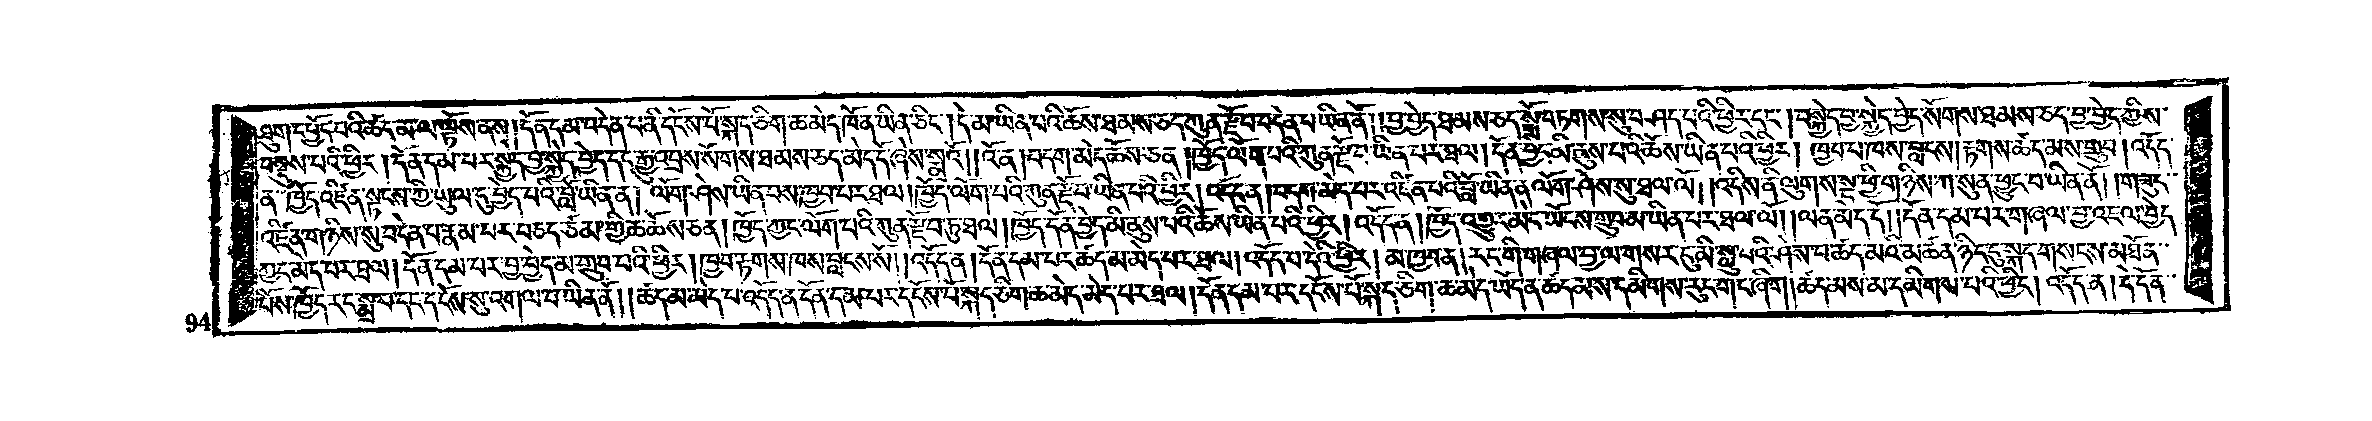ཐུག་དཔྱོད་པའི་ཚད་མ་ལ་ལྟོས་ནས། དོན་དམ་བདེན་པ་ནི་དངོས་པོ་སྐད་ཅིག་ཆ་མེད་ཁོ་ན་ཡིན་ཅིང་། དེ་མ་ཡིན་པའི་ཆོས་ཐམས་ཅད་ཀུན་རྫོབ་བདེན་པ་ཡིན་ནོ། །བྱ་བྱེད་ཐམས་ཅད་སྒྲོ་བཏགས་སུ་བཤད་པའི་ཕྱིར་དང་། བསྐྱེད་བྱ་སྐྱེད་བྱེད་སོགས་ཐམས་ཅད་བྱ་བྱེད་ཀྱིས་
བསྡུས་པའི་ཕྱིར། དོན་དམ་པར་སྐྱེད་བྱ་སྐྱེད་བྱེད་དང་རྒྱུ་འབྲས་སོགས་ཐམས་ཅད་མེད་དོ་ཞེས་སྨྲའོ། །འོ་ན། བདག་མེད་ཆོས་ཅན། ཁྱོད་ལོག་པའི་ཀུན་རྫོབ་ཡིན་པར་ཐལ། དོན་བྱེད་མི་ནུས་པའི་ཆོས་ཡིན་པའི་ཕྱིར། ཁྱབ་པ་ཁས་བླངས། རྟགས་ཚད་མས་གྲུབ། འདོད་
ན། ཁྱོད་འཛིན་སྟངས་ཀྱི་ཡུལ་དུ་བྱེད་པའི་བློ་ཡིན་ན། ལོག་ཤེས་ཡིན་པས་ཁྱབ་པར་ཐལ། ཁྱོད་ལོག་པའི་ཀུན་རྫོབ་ཡིན་པའི་ཕྱིར། འདོད་ན། བདག་མེད་པར་འཛིན་པའི་བློ་ཡིན་ན་ལོག་ཤེས་སུ་ཐལ་ལོ། །འདིས་ནི་ལུགས་སྔ་ཕྱི་གཉིས་ཀ་སུན་ཕྱུང་བ་ཡིན་ནོ། །གཟུང་
འཛིན་གཉིས་སུ་བདེན་པ་རྣམ་པར་བཅད་ཙམ་གྱི་ཆ་ཆོས་ཅན། ཁྱོད་ཀྱང་ལོག་པའི་ཀུན་རྫོབ་ཏུ་ཐལ། ཁྱོད་དོན་བྱེད་མི་ནུས་པའི་ཆོས་ཡིན་པའི་ཕྱིར། འདོད་ན། ཁྱོད་འགྱུར་མེད་ཡོངས་གྲུབ་མ་ཡིན་པར་ཐལ་ལོ། །ལན་མེད་དོ། །དོན་དམ་པར་གཞལ་བྱ་འཇལ་བྱེད་
ཀྱང་མེད་པར་ཐལ། དོན་དམ་པར་བྱ་བྱེད་མ་གྲུབ་བའི་ཕྱིར། ཁྱབ་རྟགས་ཁས་བླངས་སོ། །འདོད་ན། དོན་དམ་པར་ཚད་མ་མེད་པར་ཐལ། འདོད་པ་དེའི་ཕྱིར། མ་ཁྱབ་ན། རང་གི་གཞལ་བྱ་ལ་གསར་དུ་མི་སླུ་བའི་ཤེས་པ་ཚད་མའི་མཚན་ཉིད་དུ་སྐད་གསངས་མཐོན་
པོས་ཁྱོད་རང་སྨྲ་བ་དང་དངོས་སུ་འགལ་བ་ཡིན་ནོ། །ཚད་མ་མེད་པ་འདོད་ན་དོན་དམ་པར་དངོས་པོ་སྐད་ཅིག་ཆ་མེད་མེད་པར་ཐལ། དོན་དམ་པར་དངོས་པོ་སྐད་ཅིག་ཆ་མེད་ཡོད་ན་ཚད་མས་དམིགས་རུང་གང་ཞིག །ཚད་མས་མ་དམིགས་པའི་ཕྱིར། འདོད་ན། དེ་དོན་